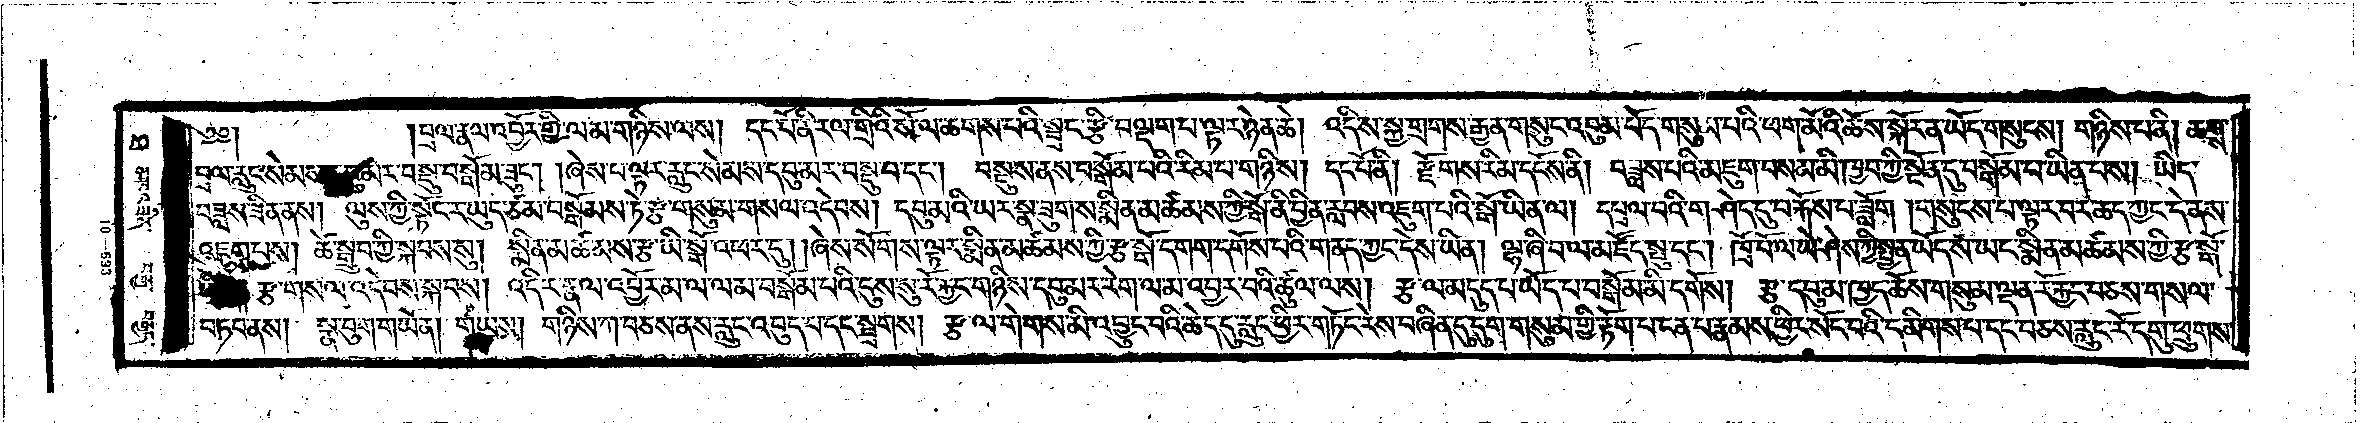༄༅། །བྲལ་རྣལ་འབྱོར་གྱི་ལམ་གཉིས་ལས། དང་པོ་ནི་རལ་གྲིའི་སོ་ལ་ཆགས་པའི་སྦྲང་རྩི་བླྔག་པ་ལྟར་ཉེན་ཆེ། འདི་ས་སྐྱ་གྲགས་རྒྱན་གསུང་འབུམ་བོད་གསུམ་པའི་ཕག་མོའི་ཆོས་སྐོར་ན་ཡོད་གསུངས། གཉིས་པ་ནི། ཆགས་
བྲལ་རླུང་སེམས་དབུ་མར་བསྡུ་བསྒོམ་ཟུང་། །ཞེས་པ་ལྟར་རླུང་སེམས་དབུ་མར་བསྡུ་བ་དང་། བསྡུས་ནས་བསྒོམ་པའི་རིམ་པ་གཉིས། དང་པོ་ནི། རྫོགས་རིམ་དངོས་ནི། བཟླས་པའི་མཇུག་བསམ་མི་ཁྱབ་ཀྱི་སྔོན་དུ་བསྒོམ་པ་ཡིན་པས། ཡིད་
བཟླས་ཟིན་ནས། ལུས་ཀྱི་སྟོང་ར་ཡུད་ཙམ་བསྒོམས་ཏེ་རྩ་གསུམ་གསལ་འདེབས། དབུ་མའི་ཡར་སྣ་ཟུག་ས་སྨིན་མཚམས་ཀྱི་སྒོ་ནི་བྱིན་རླབས་འཇུག་པའི་སྒོ་ཡིན་ལ། དཔྲལ་བའི་གཤེད་དུ་བརྐོས་པ་ཟློག །གསུངས་པ་ལྟར་བར་ཆད་ཀྱང་དེ་ནས་
འཇུག་པས། ཚེ་སྒྲུབ་ཀྱི་སྐབས་སུ། སྨིན་མཚམས་རྩ་ཡི་སྒོ་འཕར་དུ། །ཞེས་སོགས་ལྟར་སྨིན་མཚམས་ཀྱི་རྩ་སྒོ་དགག་དགོས་པའི་གནད་ཀྱང་དེས་ཡིན། ལྷ་ཞི་བ་ལ་མཛོད་སྤུ་དང་། ཁྲོ་བོ་ལ་ཡེ་ཤེས་ཀྱི་སྤྱན་ཡོད་ས་ཡང་སྨིན་མཚམས་ཀྱི་རྩ་སྒོ་
ཡིན༑ རྩ་གསལ་འདེབས་སྐབས། འདིར་རྣལ་འབྱོར་མ་ལ་ལམ་བསྒོམ་པའི་དུས་སུ་རོ་རྐྱང་གཉིས་དབུ་མར་རེག་ལམ་འབྱར་བའི་ཚུལ་ལས། རྩ་ལ་མདུད་པ་ཡོད་པ་བསྒོམ་མི་དགོས། རྩ་དབུ་མ་ཁྱད་ཆོས་གསུམ་ལྡན་རོ་རྐྱང་བཅས་གསལ་
བཏབ་ནས། སྣ་བུག་གཡོན། གཡས། གཉིས་ཀ་བཅས་ནས་རླུང་འབུད་པ་དང་སྦྲགས། རྩ་ལ་གེགས་མི་འབྱུང་བའི་ཆེད་དུ་རླུང་ཕྱིར་གཏོང་རེས་བཞིན་དུ་དུག་གསུམ་གྱི་རྟོག་པ་ངན་པ་རྣམས་ཕྱིར་སོང་བའི་དམིགས་པ་དང་བཅས་རླུང་རོ་དགུ་ཕྲུགས་